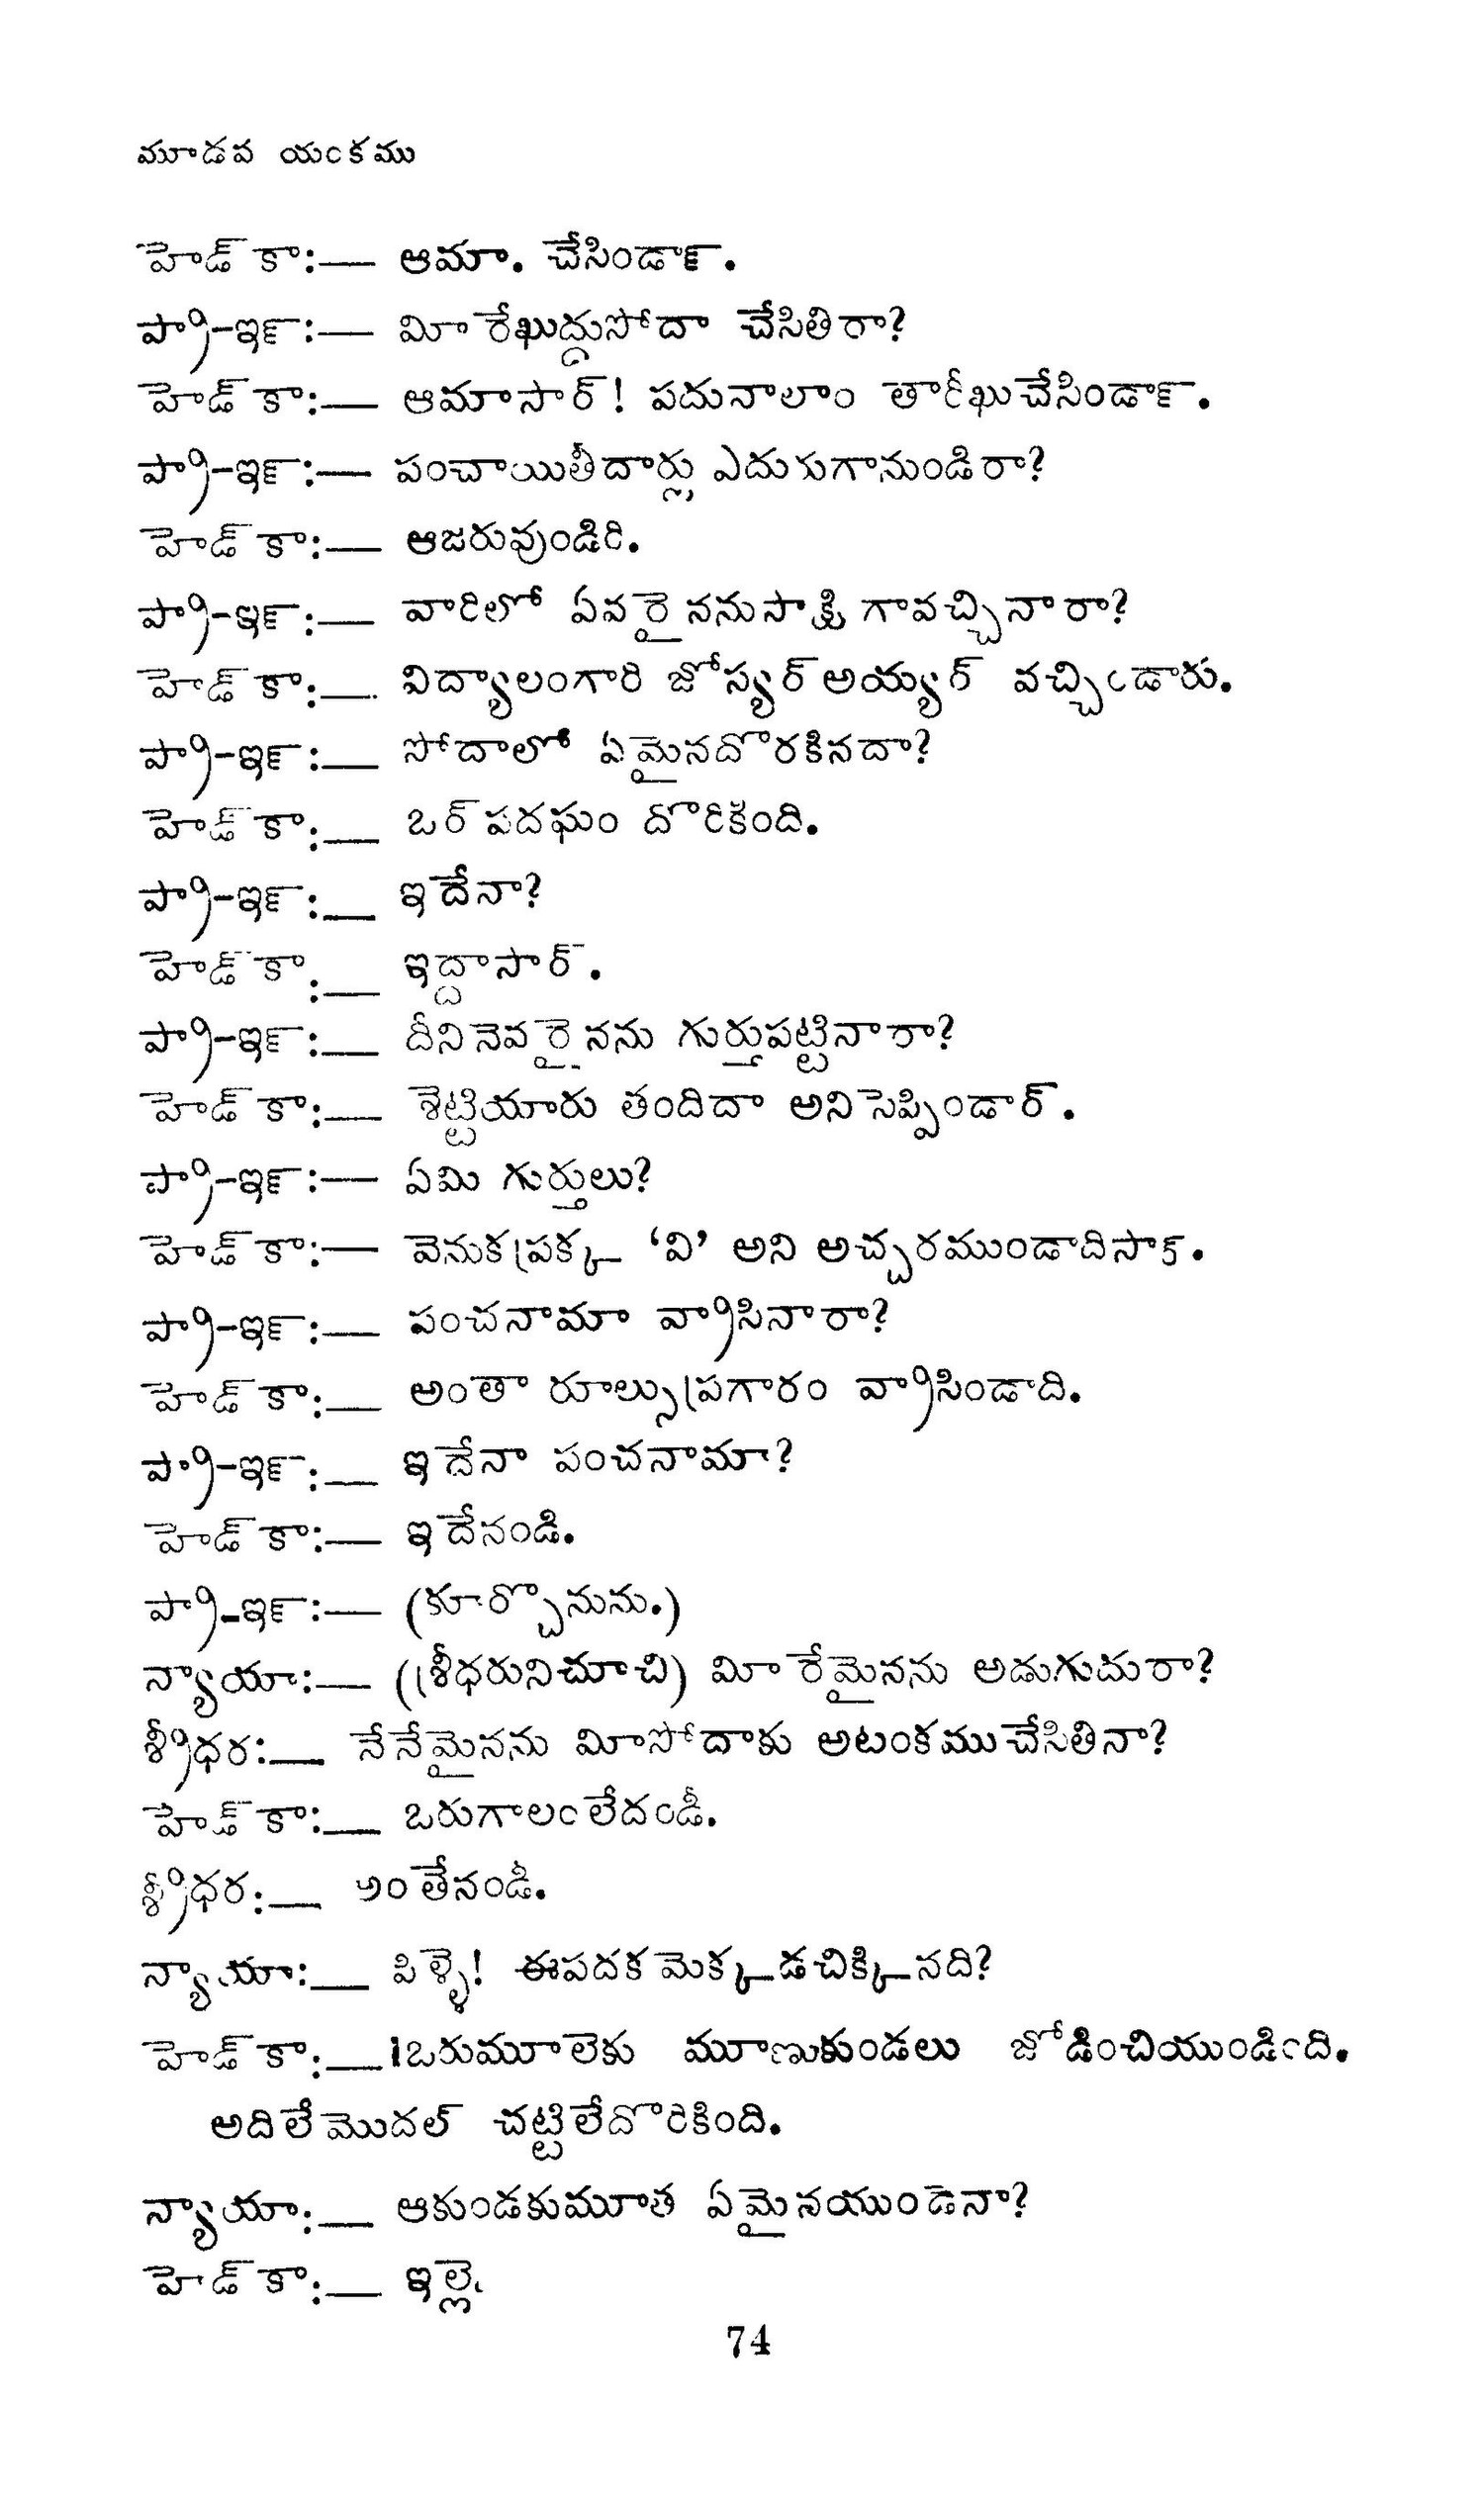హెడ్ కా:--అమా, చేసిండాన్

ప్రా-ఇన్:-మీరేఖుద్దుసోదా చేసితిరా?

హెడ్ కా:-అమాస్దార్! పదునాలాం తారీఖుచేసిందాన్

ప్రా-ఇన్:-పంచాయతీదార్లు ఎదురుగానుండిరా?

హెడ్ కా:-ఆజరువుండిరి.

ప్రా-ఇన్:-వారిలో ఏవరైననుసాక్షిగావచ్చినరా/

హెడ్ కా:-విద్యాలంగారి జొస్యర్ అయ్యర్ వచ్చినారు.

ప్రా-ఇన్:-సోదాలో ఏమైనదొరికినదా?

హెడ్ కా:-ఒర్ పదఘం దొరికింది

ప్రా-ఇన్:-ఇదేనా?

హెడ్ కా:-ఇద్దా సార్

ప్రా-ఇన్:- దీనినెవరైననూ గుర్తుపట్టినారా/

హెడ్ కా:-శెట్టియారు తందిదా అనిచెప్పిందార్

ప్రా-ఇన్:-ఏమి గుర్తులు

హెడ్ కా:-వెనుకప్రక్కా 'ని ' అచ్చరముందాదిసార్.

ప్రా-ఇన్:పంచనామా వ్రాసినారా?

హెడ్ కా:-అంతారూల్సుప్రకారం వ్రాసినారు.

ప్రా-ఇన్:-ఇదేనా పంచనామా?

హెడ్ కా;-ఇదేనండి.

ప్రా-ఇన్:-(కూర్చొనును)

న్యాయా:-(శ్రిధరుని చూచి) మీరేమైనను అడుగుదురా?

శ్రిధర:-నేనేమైనను మీసొదాకు ఆటంకముచేసితినా?

హెడ్ కా;-ఒరుగాలంలేదండి

శ్రిధర:-అంతేనండి

న్యాయా:-పిళ్ళె! ఈపదక మెక్కడ చిక్కినది.

హెడ్ కా:-ఒరుమూలెకు మూణుకుండలు జోడించి యుండించి. అదిలేమొదల్ చట్టిలేదొరికింది.

న్యాయా:-ఆకుండకుమూత ఏమైనయుండెనా?

హెడ్ కా:- ఇల్లె